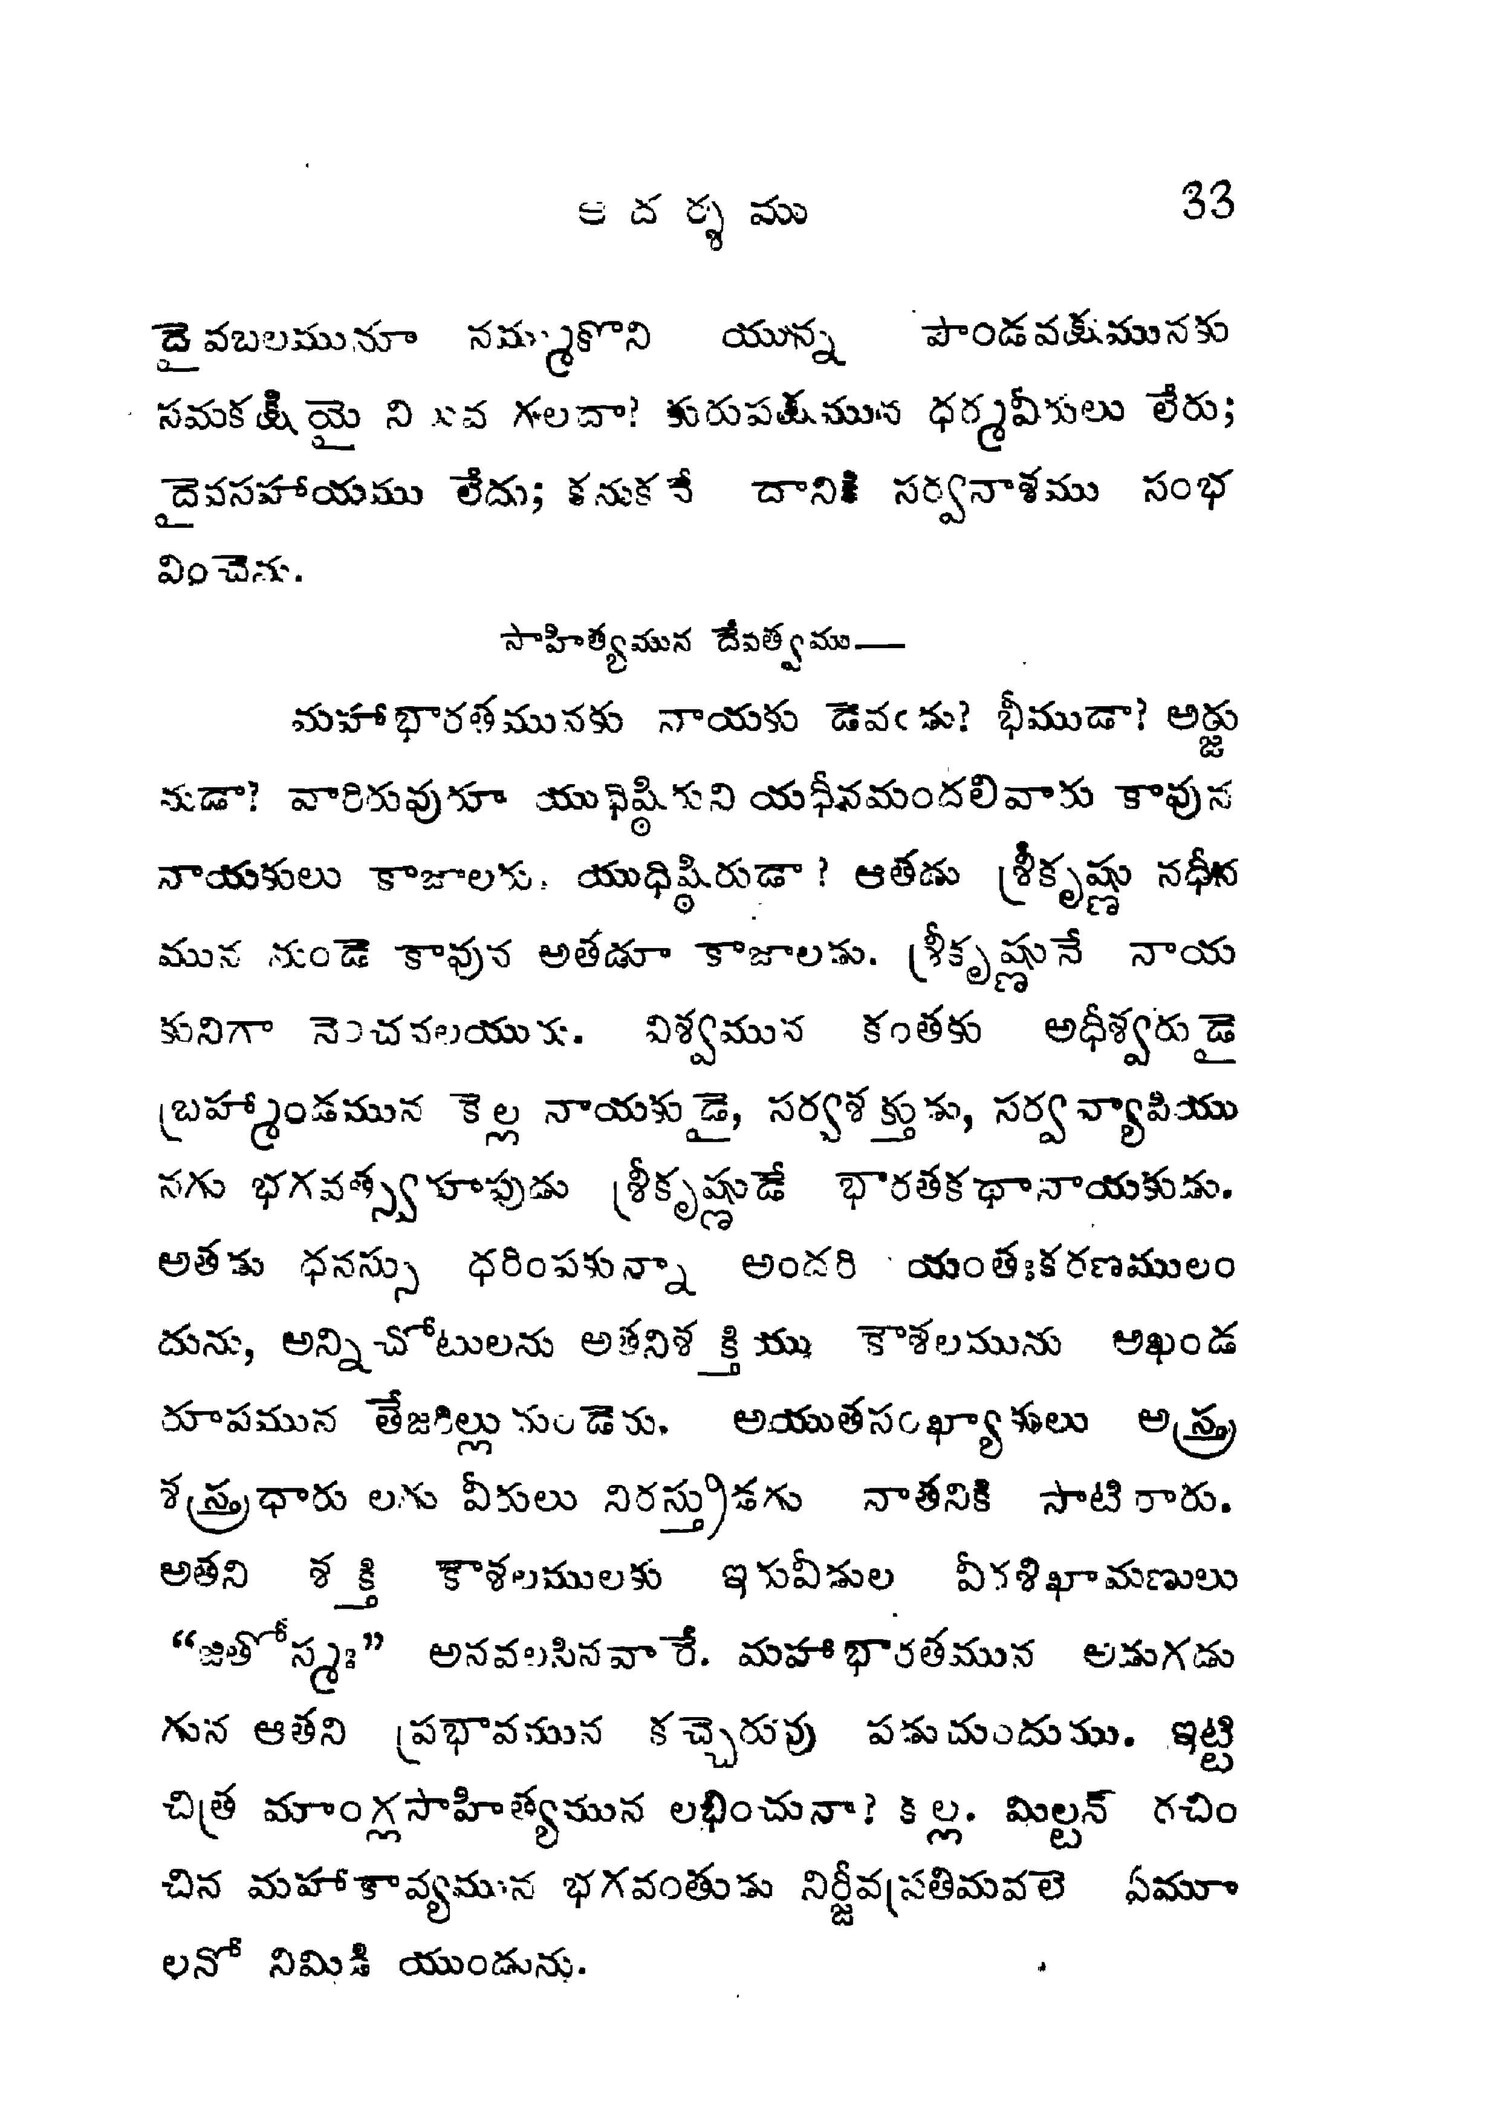దైవబలమునూ నమ్ముకొని యున్న పాండవపక్షమునకు సమకక్షియై నిలువ గలదా? కురుపక్షమున ధర్మవీరులు లేరు; దైవసహాయము లేదు; కనుకనే దానికి సర్వనాశము సంభవించెను.

మహాభారతమునకు నాయకు డెవఁడు? భీముడా? అర్జునుడా? వారిరువురూ యుధిష్ఠిరుని యధీనమందలివారు కావున నాయకులు కాజాలరు. యుధిష్ఠిరుడా? ఆతడు శ్రీకృష్ణు నధీనమున నుండె కావున అతడూ కాజాలడు. శ్రీకృష్ణునే నాయకునిగా నెంచవలయును. విశ్వమున కంతకు అధీశ్వరుడై బ్రహ్మాండమున కెల్ల నాయకుడై, సర్వశక్తుడు, సర్వవ్యాపియునగు భగవత్స్వరూపుడు శ్రీకృష్ణుడే భారతకథానాయకుడు. అతడు ధనస్సు ధరింపకున్నా అందరి యంత:కరణములందును అన్ని చోటులను అతనిశక్తియు కౌశలమును అఖండ రూపమున తేజరిల్లుచుండెను. అయుతసంఖ్యాకులు అస్త్రశస్త్రధారు లగు వీరులు నిరస్త్రుడగు నాతనికి సాటిరారు. అతని శక్తి కౌశలములకు ఇరువీడుల వీరశిఖామణులు "జితోస్మ:" అనవలసినవారే. మహాభారతమున అడుగడుగున ఆతని ప్రభావమున కచ్చెరువు వడుచుందుము. ఇట్టి చిత్ర మాంగ్లసాహిత్యమున లభించునా? కల్ల. మిల్టన్ రచించిన మహాకావ్యమున భగవంతుడు నిర్జీవప్రతిమవలె ఏమూలనో నిమిడి యుండును.